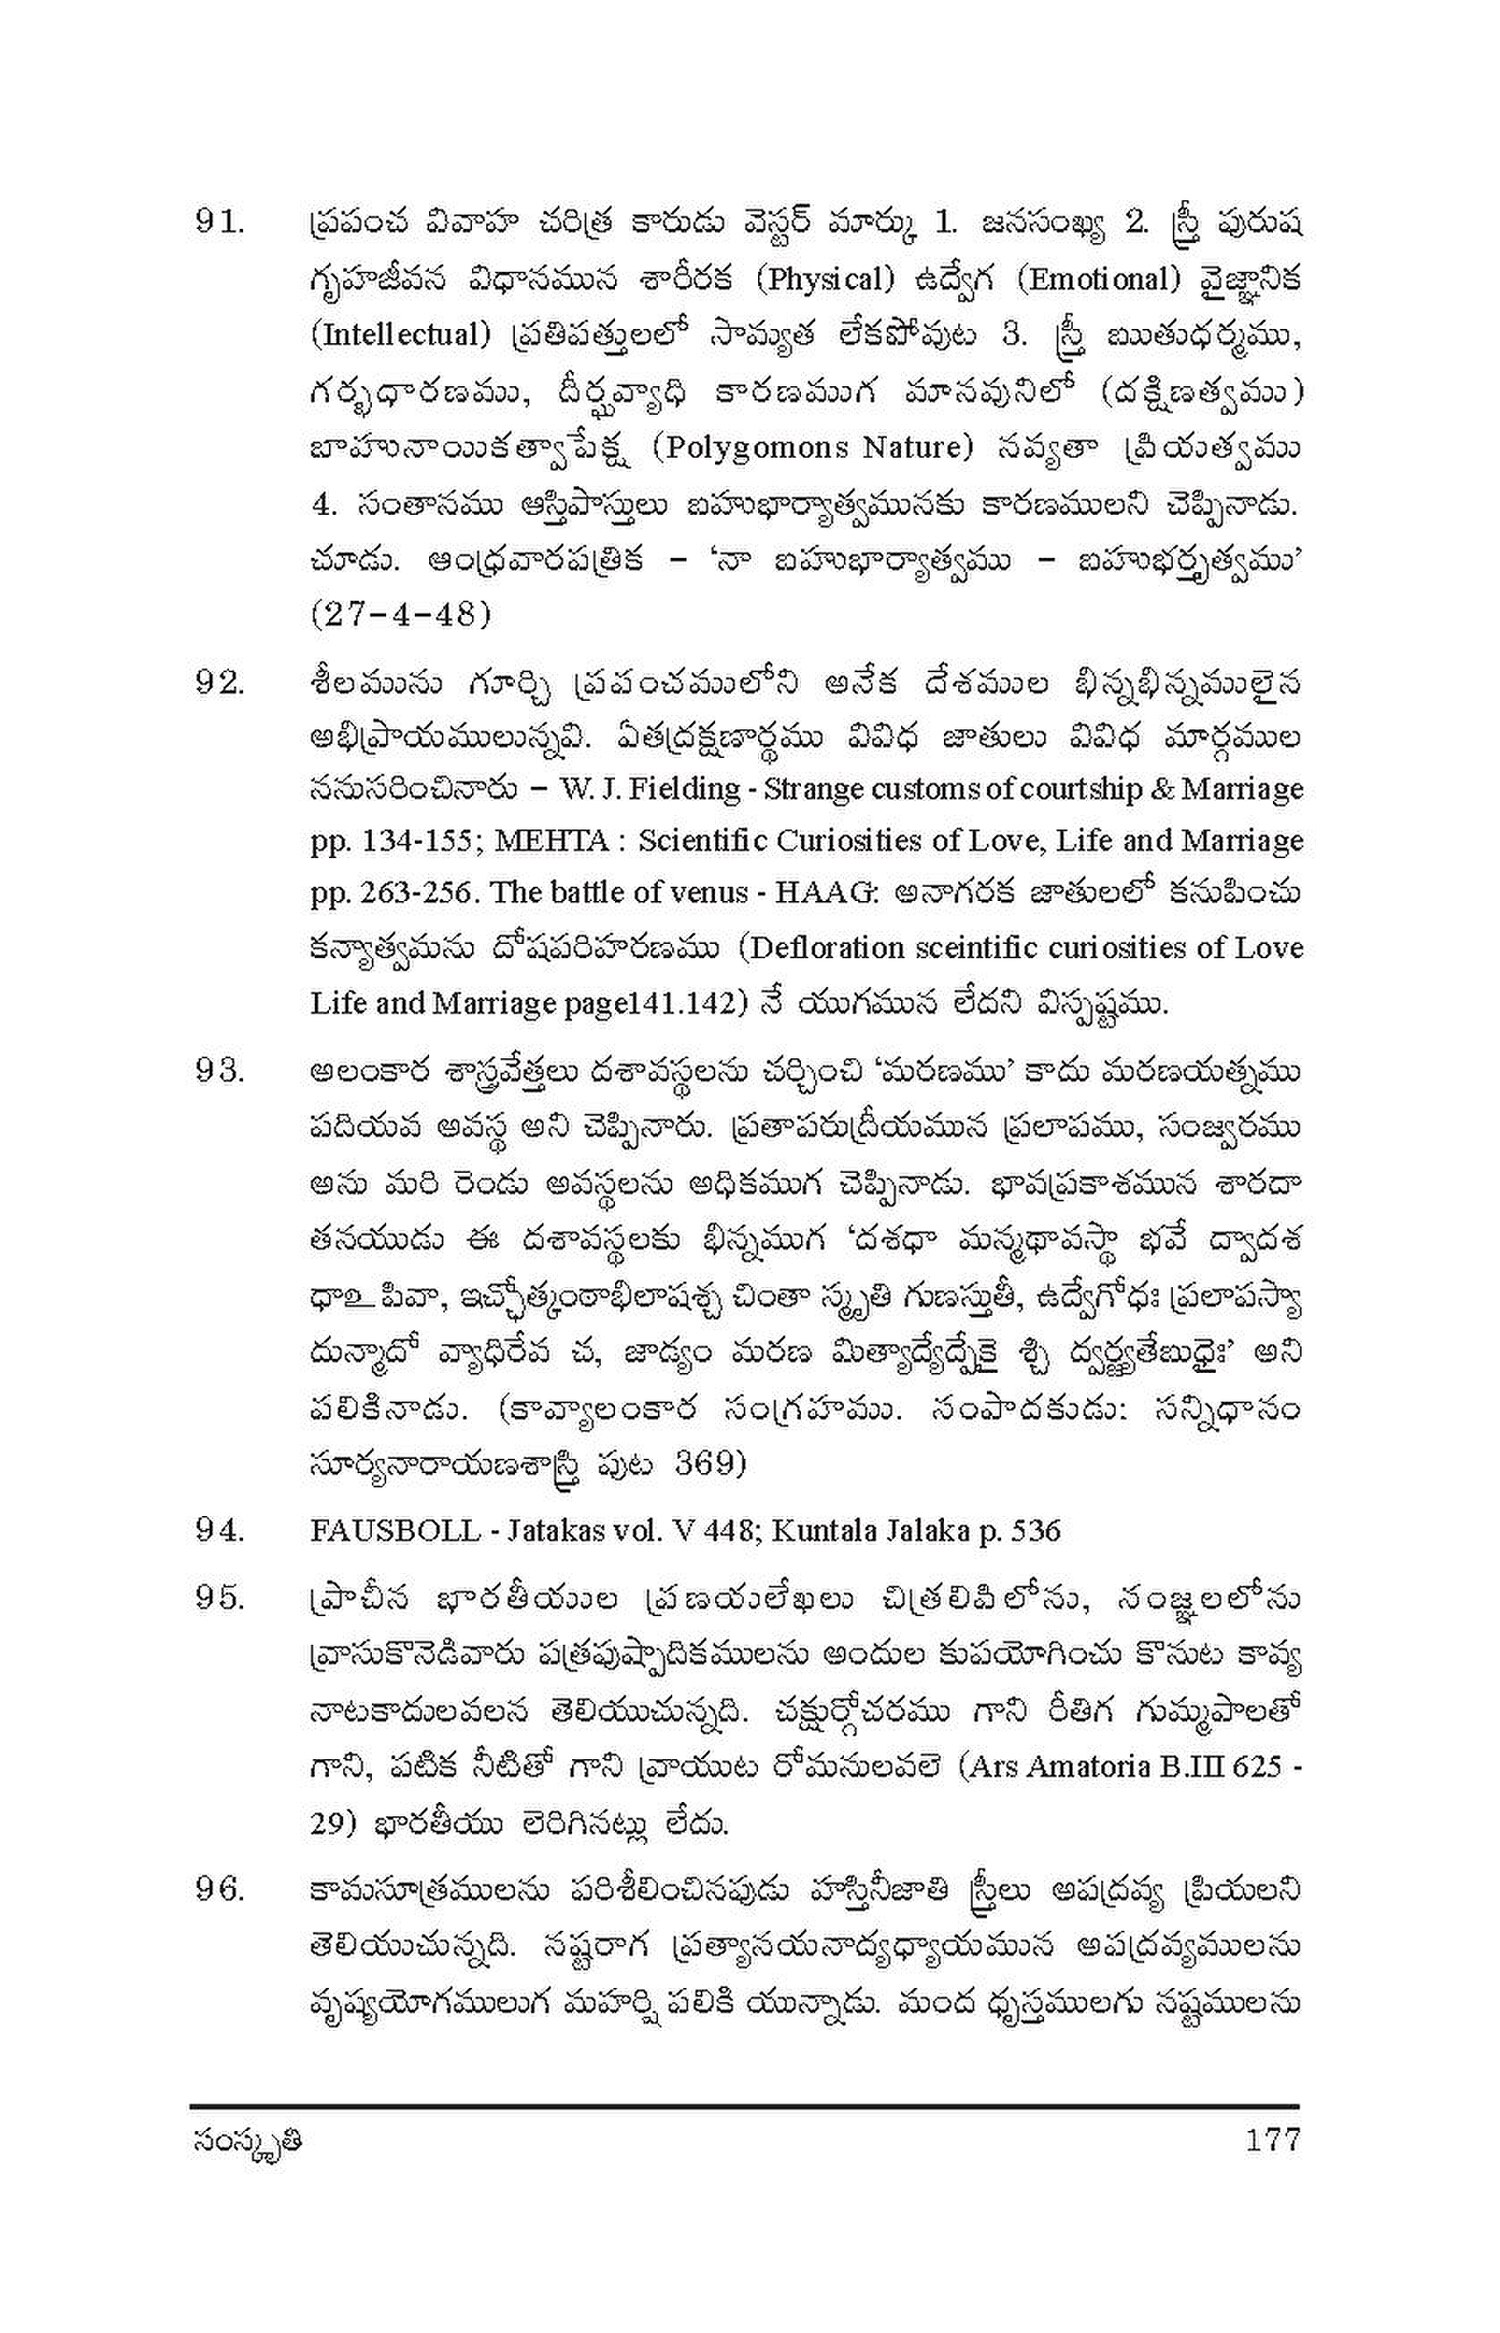91. ప్రపంచ వివాహ చరిత్ర కారుడు వెస్టర్ మార్కు 1. జనసంఖ్య 2. స్త్రీ పురుష
గృహజీవన విధానమున శారీరక (Physical) ఉద్వేగ (Emotional) వైజ్ఞానిక
(Intellectual) ప్రతిపత్తులలో సామ్యత లేకపోవుట 3. స్త్రీ ఋతుధర్మము,
గర్భధారణము, దీర్ఘవ్యాధి కారణముగ మానవునిలో (దక్షిణత్వము)
బాహునాయికత్వాపేక్ష (Polygomons Nature) నవ్యతా ప్రియత్వము
4. సంతానము ఆస్తిపాస్తులు బహుభార్యాత్వమునకు కారణములని చెప్పినాడు.
చూడు. ఆంధ్రవారపత్రిక - 'నా బహుభార్యాత్వము - బహుభర్తృత్వము (27-4-48) 
 
92.శీలమును గూర్చి ప్రపంచములోని అనేక దేశముల భిన్నభిన్నములైన
అభిప్రాయములున్నవి. ఏతద్రక్షణార్థము వివిధ జాతులు వివిధ మార్గముల
ననుసరించినారు - W. J. Fielding Strange customs of courtship & Marriage
pp. 134–155; MEHTA : Scientific Curiosities of Love, Life and Marriage
pp. 263-256. The battle of venus - HAAG: అనాగరిక జాతులలో కనుపించు
కన్యాత్వమను దోషపరిహరణము (Defloration sceintific curiosities of Love
Life and Marriage pagel41.142) నే యుగమున లేదని విస్పష్టము.

93.అలంకార శాస్త్రవేత్తలు దశావస్థలను చర్చించి 'మరణము' కాదు మరణయత్నము
పదియవ అవస్థ అని చెప్పినారు. ప్రతాపరుద్రీయమున ప్రలాపము, సంజ్వరము
అను మరి రెండు అవస్థలను అధికముగ చెప్పినాడు. భావప్రకాశమున శారదా
తనయుడు ఈ దశావస్థలకు భిన్నముగ 'దశధా మన్మథావస్థా భవే ద్వాదశ
ధా౽పివా, ఇచ్ఛోత్కంఠాభిలాషశ్చ చింతా స్మృతి గుణస్తుతీ, ఉద్వేగోధః ప్రలాపస్యా
దున్మాదో వ్యాధిరేవ చ, జాడ్యం మరణ మిత్యాద్యేద్పేకై శ్చి ద్వర్జ్యతేబుధైః' అని
పలికినాడు. (కావ్యాలంకార సంగ్రహము. సంపాదకుడు: సన్నిధానం
సూర్యనారాయణశాస్త్రి పుట 369)

94. FAUSBOLL - Jatakas vol. V 448; Kuntala Jalaka p. 536

95. ప్రాచీన భారతీయుల ప్రణయలేఖలు చిత్రలిపిలోను, సంజ్ఞలలోను
వ్రాసుకొనెడివారు పత్రపుష్పాదికములను అందుల కుపయోగించు కొనుట కావ్య
నాటకాదులవలన తెలియుచున్నది. చక్షుర్గోచరము గాని రీతిగ గుమ్మపాలతో
గాని, పటిక నీటితో గాని వ్రాయుట రోమనులవలె (Ars Amatoria B.III 625 -
29) భారతీయు లెరిగినట్లు లేదు.

96. కామసూత్రములను పరిశీలించినపుడు హస్తినీజాతి స్త్రీలు అపద్రవ్య ప్రియలని
తెలియుచున్నది. నష్టరాగ ప్రత్యానయనాద్యధ్యాయమున అపద్రవ్యములను
వృష్యయోగములుగ మహర్షి పలికి యున్నాడు. మంద ధృస్తములగు నష్టములను